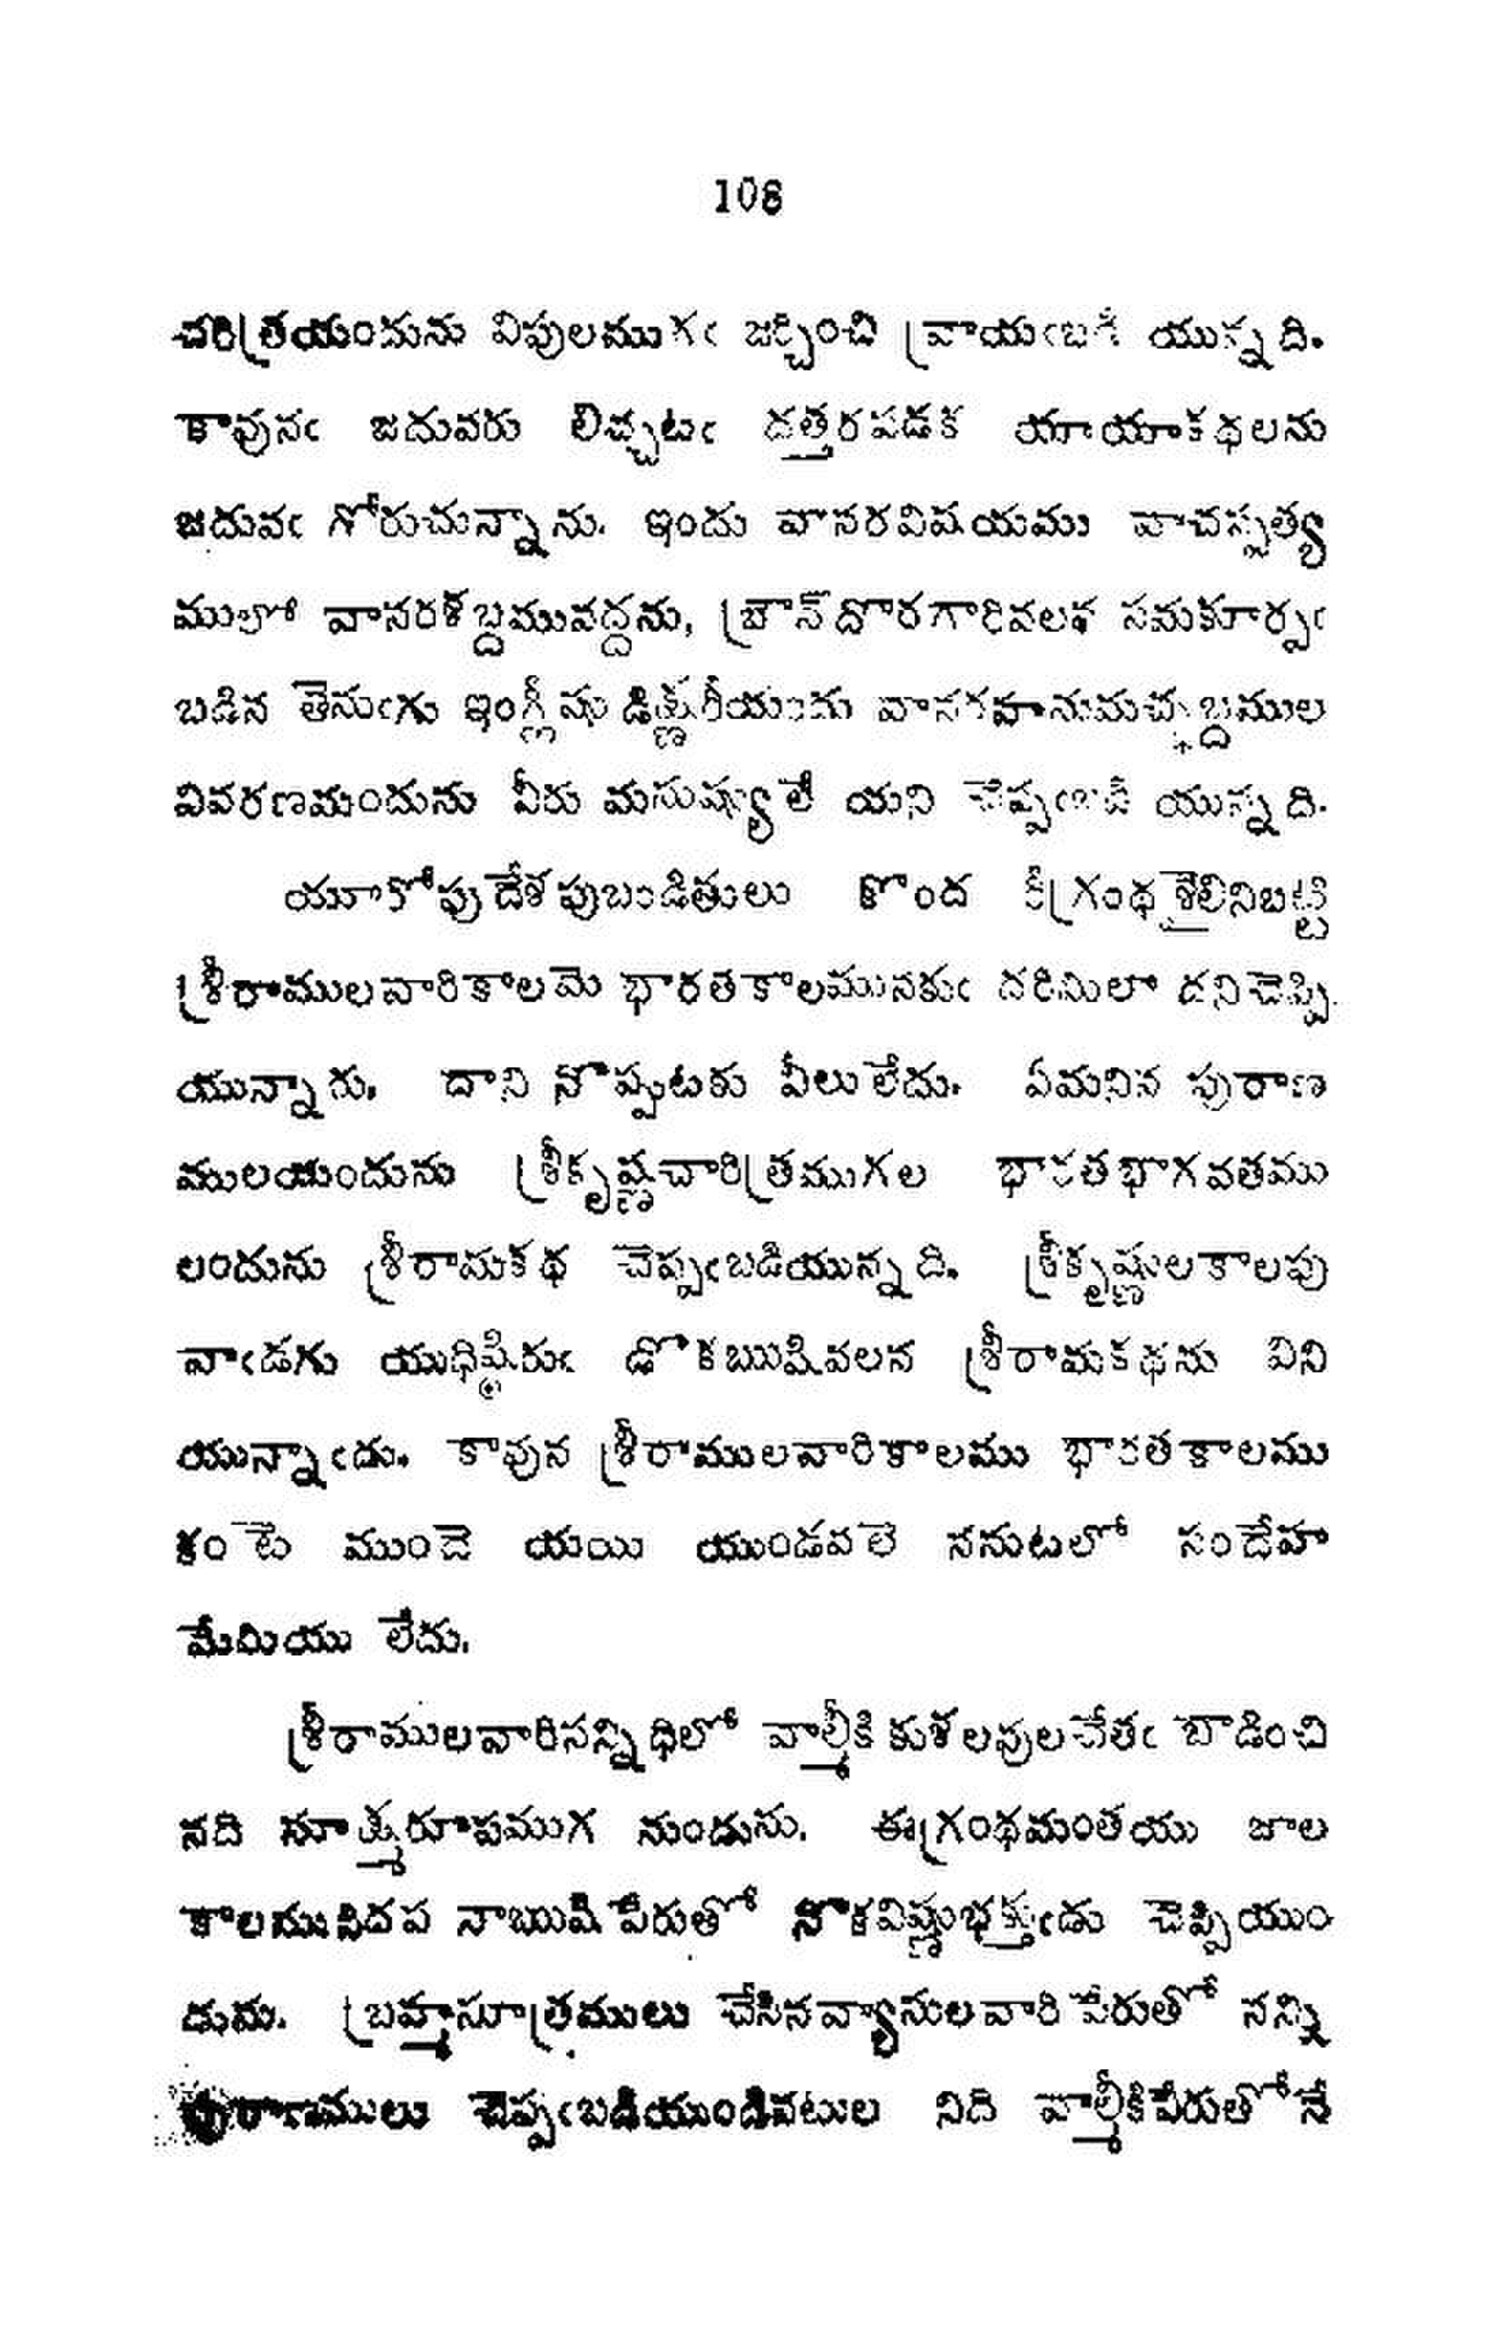చరిత్రయందును విపులముగఁ జర్చించి వ్రాయఁబడి యున్నది. కావునఁ జదువరు లిచ్చటఁ దత్తరపడక యాయాకథలను జదువఁ గోరుచున్నాను. ఇందు వానరవిషయము వాచస్పత్యములో వానరశబ్దమువద్దను, బ్రౌన్‌దొరగారివలన సమకూర్పఁబడిన తెనుఁగు ఇంగ్లీషు డిక్ష్ణరీయందు వానర హనుమచ్ఛబ్దముల వివరణమందును వీరు మనుష్యలే యని చెప్పఁబడి యున్నది.

యూరోపుదేశపుబండితులు కొంద రీగ్రంథశైలినిబట్టి శ్రీరాములవారికాలమె భారతకాలమునకుఁ దరిమిలా దనిచెప్పి యున్నారు. దాని నొప్పుటకు వీలులేదు. ఏమనిన పురాణములయందును శ్రీకృష్ణచారిత్రముగల భారతభాగవతము లందును శ్రీరామకథ చెప్పఁబడియున్నది. శ్రీకృష్ణులకాలవు
వాఁడగు యుధిష్ఠిరుఁ డొకఋషివలన శ్రీరామకథను వినియున్నాడు. కావున శ్రీరాములవారికాలము భారతకాలము కంటె ముందె యయి యుండవలె ననుటలో సందేహ మేమియు లేదు.

శ్రీరాములవారిసన్నిధిలో వాల్మీకి కుశలవులచేతఁ బాడించినది సూక్ష్మరూపముగ నుండును. ఈగ్రంథమంతయు జాల కాలముపిదప నాఋషిపేరుతో నొకవిష్ణుభక్తుఁడు చెప్పియుండును. బ్రహ్మసూత్రములు చేసినవ్యాసులవారిపేరుతో నన్ని పురాణములు చెప్పఁబడియుండినటుల నిది వాల్మీకిపేరుతోనే